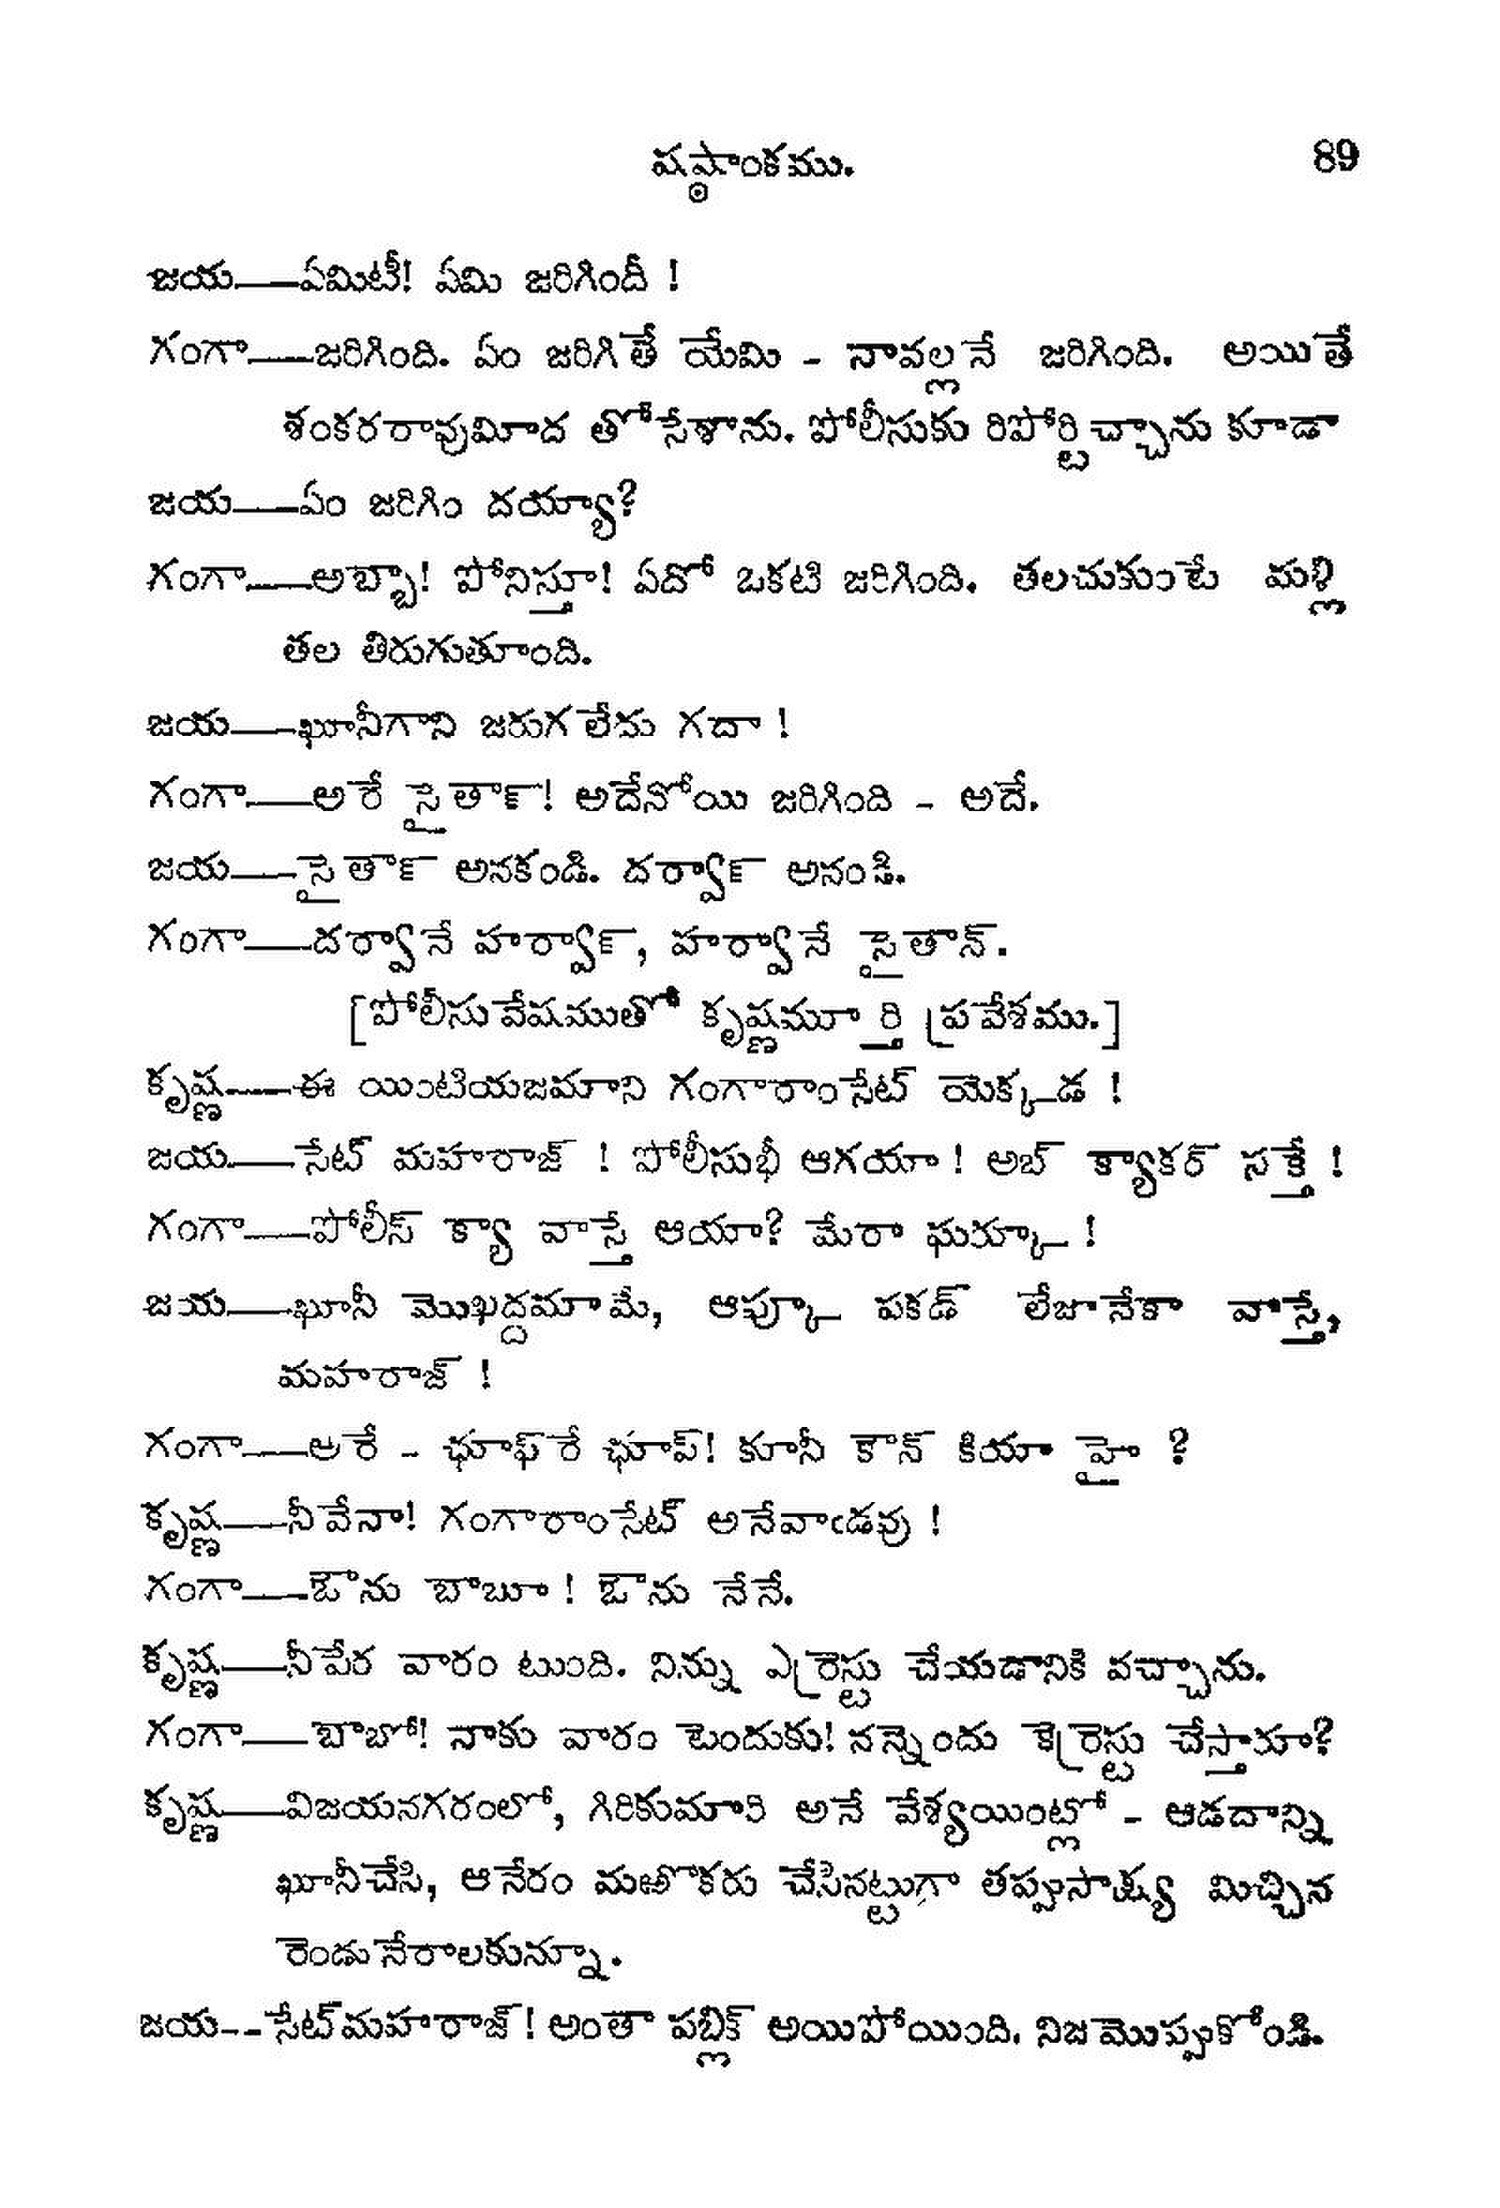జయ - ఏమిటీ! ఏమి జరిగిందీ !

గంగా - జరిగింది. ఏం జరిగితే యేమి - నావల్లనే జరిగింది. అయితే శంకరరావుమీద తోసేశాను. పోలీసుకు రిపోర్టిచ్చాను కూడా

జయ - ఏం జరిగిం దయ్యా?

గంగా - అబ్బా! పోనిస్తూ! ఏదో ఒకటి జరిగింది. తలచుకుంటే మళ్లి తల తిరుగుతూంది.

జయ - ఖూనీగాని జరుగలేదు గదా !

గంగా - అరే సైతాన్ ! అదేనోయి జరిగింది - అదే.

జయ - సైతాన్ అనకండి. దర్వాన్ అనండి.

గంగా - దర్వానే హర్వాన్, హర్వానే సైతాన్ .

కృష్ణ - ఈ యింటియజమాని గంగారాంసేట్ యెక్కడ !

జయ - సేట్ మహరాజ్ ! పోలీసుభీ ఆగయా ! అబ్ క్యాకర్ సక్తే !

గంగా - పోలీస్ క్యా వాస్తే ఆయా? మేరా ఘర్కూ !

జయ — ఖూనీ మొఖద్దమామే, ఆప్కూ పకడ్ లేజానేకా వాస్తే, మహరాజ్!

గంగా - అరే - ఛూఫ్‌రే ఛూప్! కూనీ కౌన్ కియా హై ?

కృష్ణ - నీవేనా! గంగారాంసేట్ అనేవాఁడవు !

గంగా - ఔను బాబూ! ఔను నేనే.

కృష్ణ — నీపేర వారం టుంది. నిన్ను ఎర్రెస్టు చేయడానికి వచ్చాను.

గంగా - బాబో! నాకు వారం టెందుకు! నన్నెందు కెర్రెస్టు చేస్తారూ?

కృష్ణ - విజయనగరంలో, గిరికుమారి అనే వేశ్యయింట్లో - ఆడదాన్ని ఖూనీచేసి, ఆనేరం మఱొకరు చేసినట్టుగా తప్పుసాక్ష్య మిచ్చిన రెండునేరాలకున్నూ.

జయ -- సేట్ మహరాజ్ ! అంతా పబ్లిక్ అయిపోయింది. నిజమొప్పుకోండి.